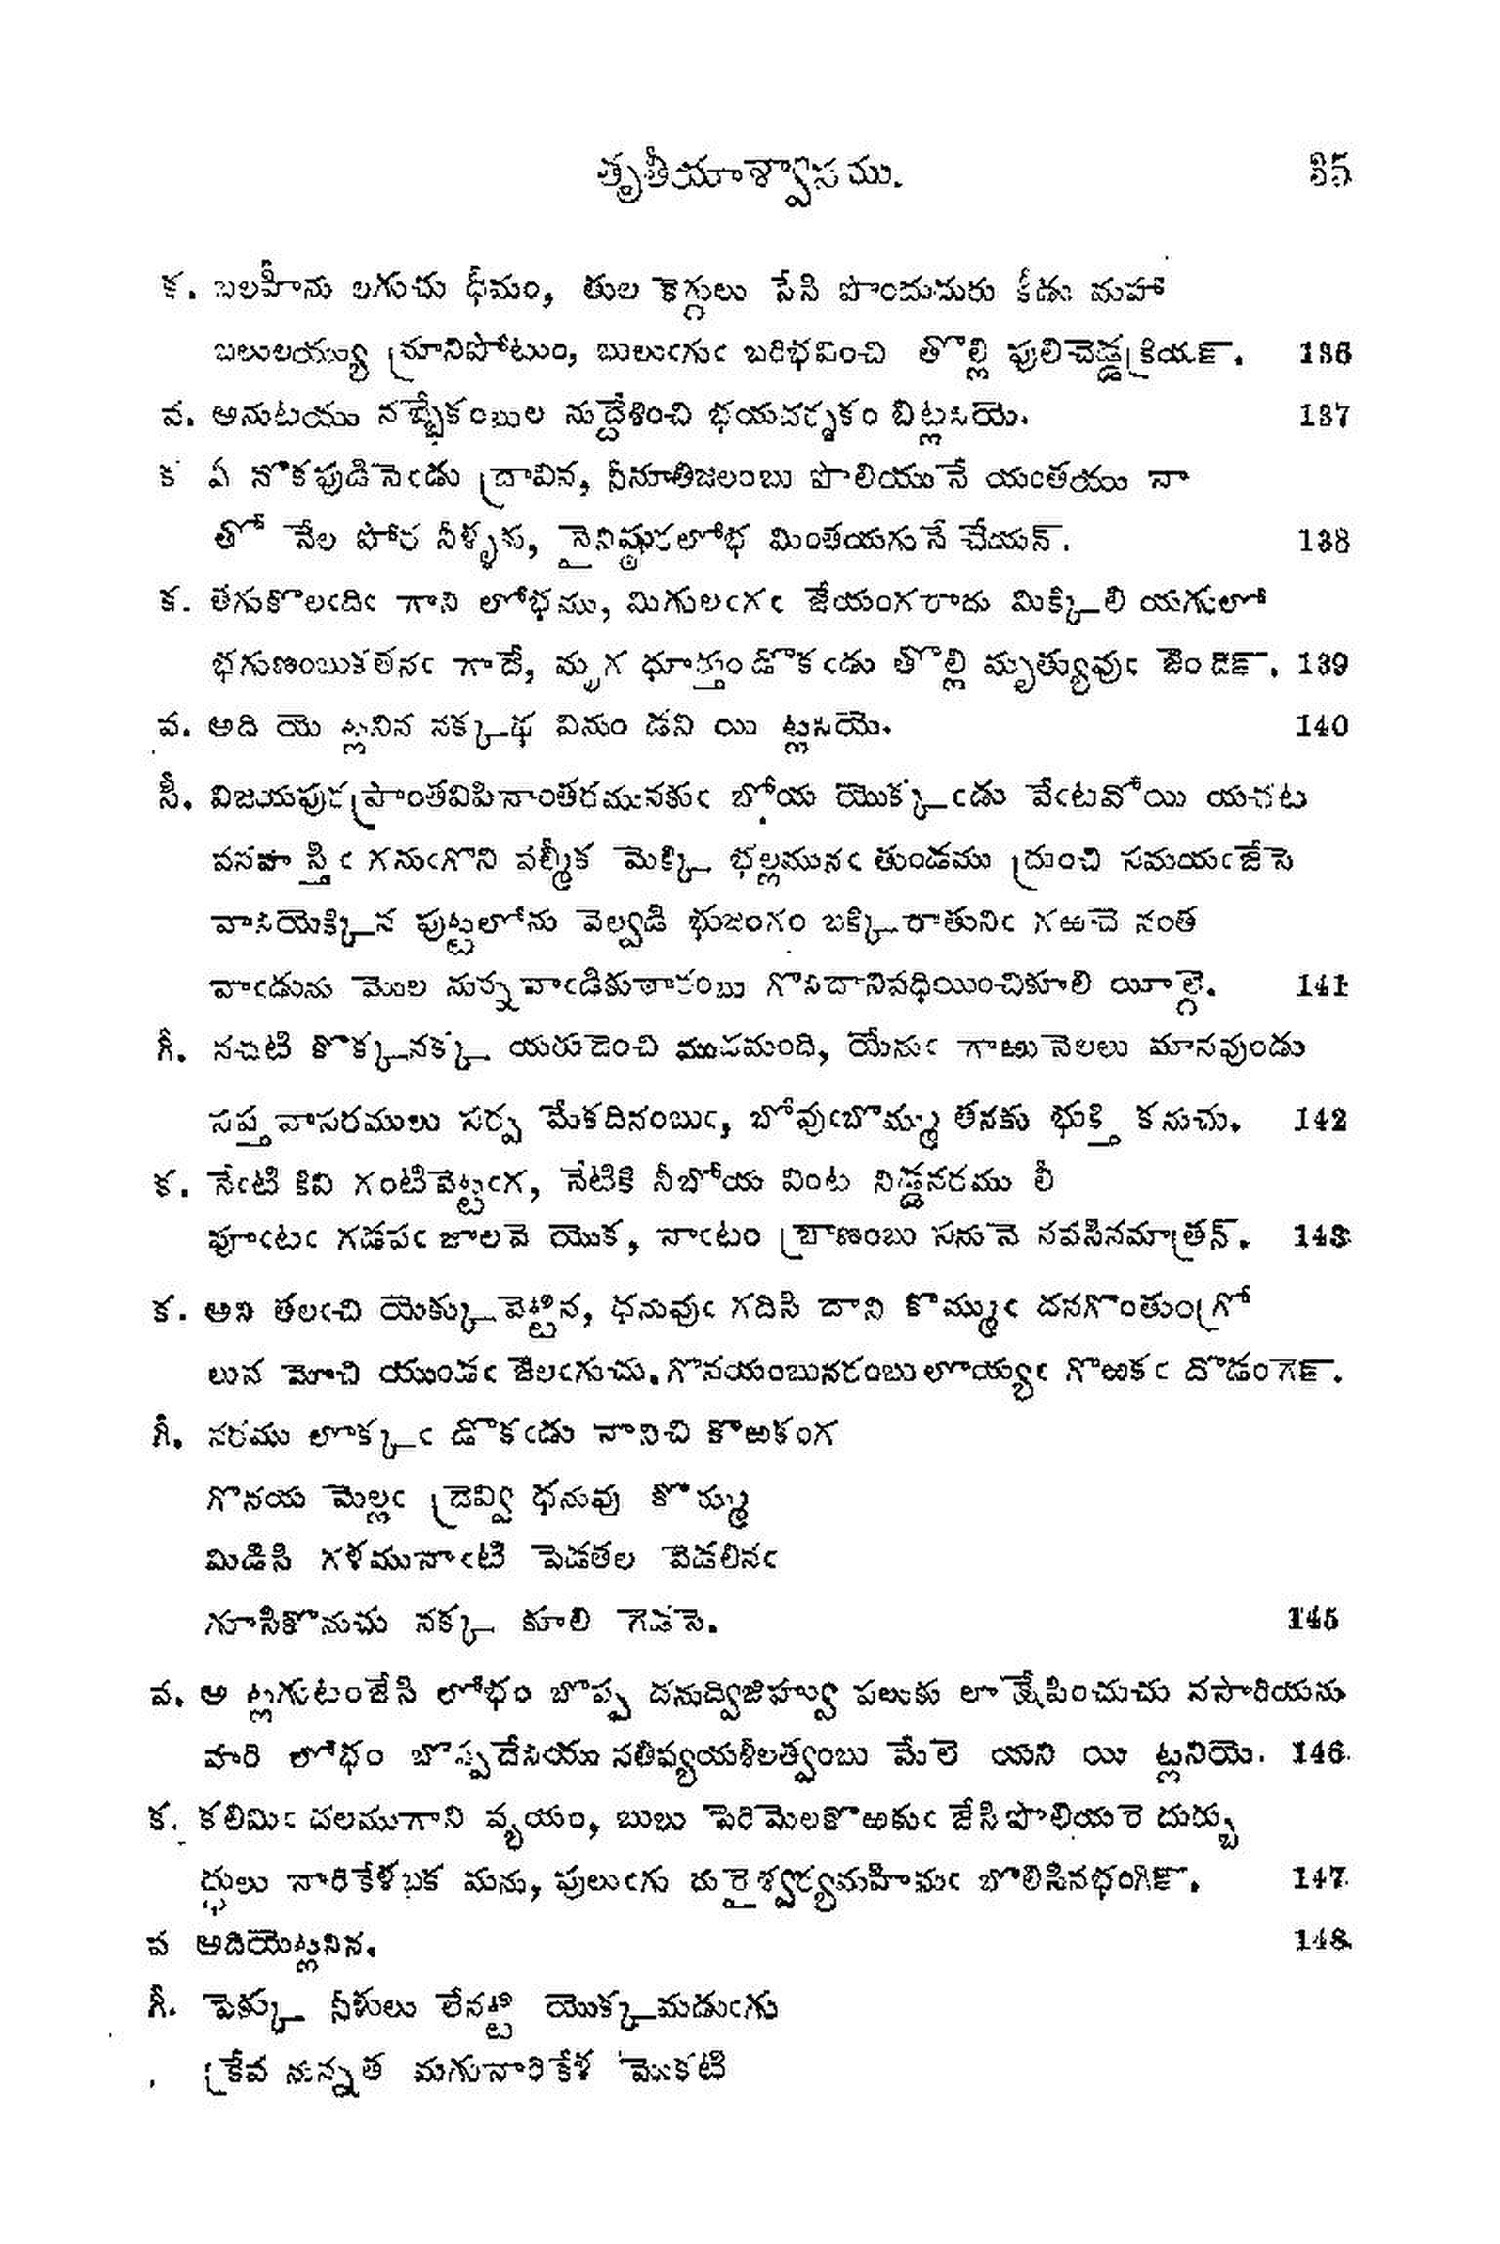క. బలహీను లగుచు ధీమం, తుల కెగ్గులు సేసి పొందుదురు కీడు మహా
 బలులయ్యు మ్రానిపోటుం, బులుఁగుఁ బరిభవించి తొల్లి పులిచెడ్డక్రియన్.
వ. అనుటయు నబ్భేకంబుల నుద్దేశించి భయదర్శకం బిట్లనియె.
క. ఏ నొకపుడిసెఁడు ద్రావిన, నీనూతిజలంబు పొలియునే యంతయు నా
 తో నేల పోర నీళ్ళకు, నై నిష్ఠురలోభ మింతయగునే చేయన్.
క. తగుకొలదిఁ గాని లోభము, మిగులఁగఁ జేయంగరాదు మిక్కిలి యగులో
 భగుణంబుకతనఁ గాదే, మృగధూర్తుం డొకఁడు తొల్లి మృత్యువుఁ జెందెన్.
వ. అది యె ట్లనిన నక్కథ వినుం డని యిట్లనియె.
సీ. విజయపురప్రాంతవిపినాంతరమునకుఁ బోయ యొక్కఁడు వేఁటవోయి యచట
 వనహస్తిఁ గనుఁగొని వల్మీక మెక్కి భల్లమునఁ తుండము ద్రుంచి సమయఁజేసె
 వానియెక్కిన పుట్టలోను వెల్వడి భుజంగం బక్కిరాతునిఁ గఱచె నంత
 వాఁడును మొల నున్నవాఁడికుఠారంబు గొని దాని వధియించి కూలి యీల్గె
గీ. నచటి కొక్కనక్క యరుదెంచి మందమంది, యేనుఁ గాఱునెలలు మానవుండు
 సప్తవాసరములు సర్ప మేకదినంబుఁ, బోవుఁ బొమ్ము తనకు భుక్తి కనుచు.
క. నేఁటి కివి గంటివెట్టఁగ, నేటికి నీబోయ వింట నిడ్డనరము లీ
 పూఁటఁ గడపఁ జాలవె యొక, నాఁటం బ్రాణంబు సనునె నవసినమాత్రన్.
క. అని తలఁచి యెక్కుపెట్టిన, ధనువుఁ గదిసి దాని కొమ్ముఁ దనగొంతుంగ్రో
 లున మోచి యుండఁ జెలఁగుచు, గొనయంబు నరంబు లొయ్య గొఱకఁ దొడంగెన్.
గీ. నరము లొక్కఁ డొకఁడు నానిచి కొఱకంగ
 గొనయ మెల్లఁ ద్రెవ్వి ధనువు కొమ్ము
 మిడిసి గళమునాఁటి పెడతల వెడలినఁ
 గూసికొనుచు నక్క కూలి గెడసె.
వ. అట్లగుటంజేసి లోభం బొప్ప దనుద్విజిహ్వు పలుకు లాక్షేపించుచు నసారియను
 హరి లోభం బొప్పదేనియు నతివ్యయశీలత్వంబు మేలె యని యి ట్లనియె.
క. కలిమిఁ చలముగాని వ్యయం, బులు పెరిమెలకొఱకుఁ జేసి పొలియరె దుర్బు
 ద్ధులు నారికేళబక మను, పులుఁగు దురైశ్వర్యమహిమఁ బొలిసినభంగిన్.
వ. అది యె ట్లనిన.
గీ. పెక్కు నీళులు లేనట్టి యొక్కమడుఁగు
 క్రేవ నున్నత మగునారికేళ మొకటి